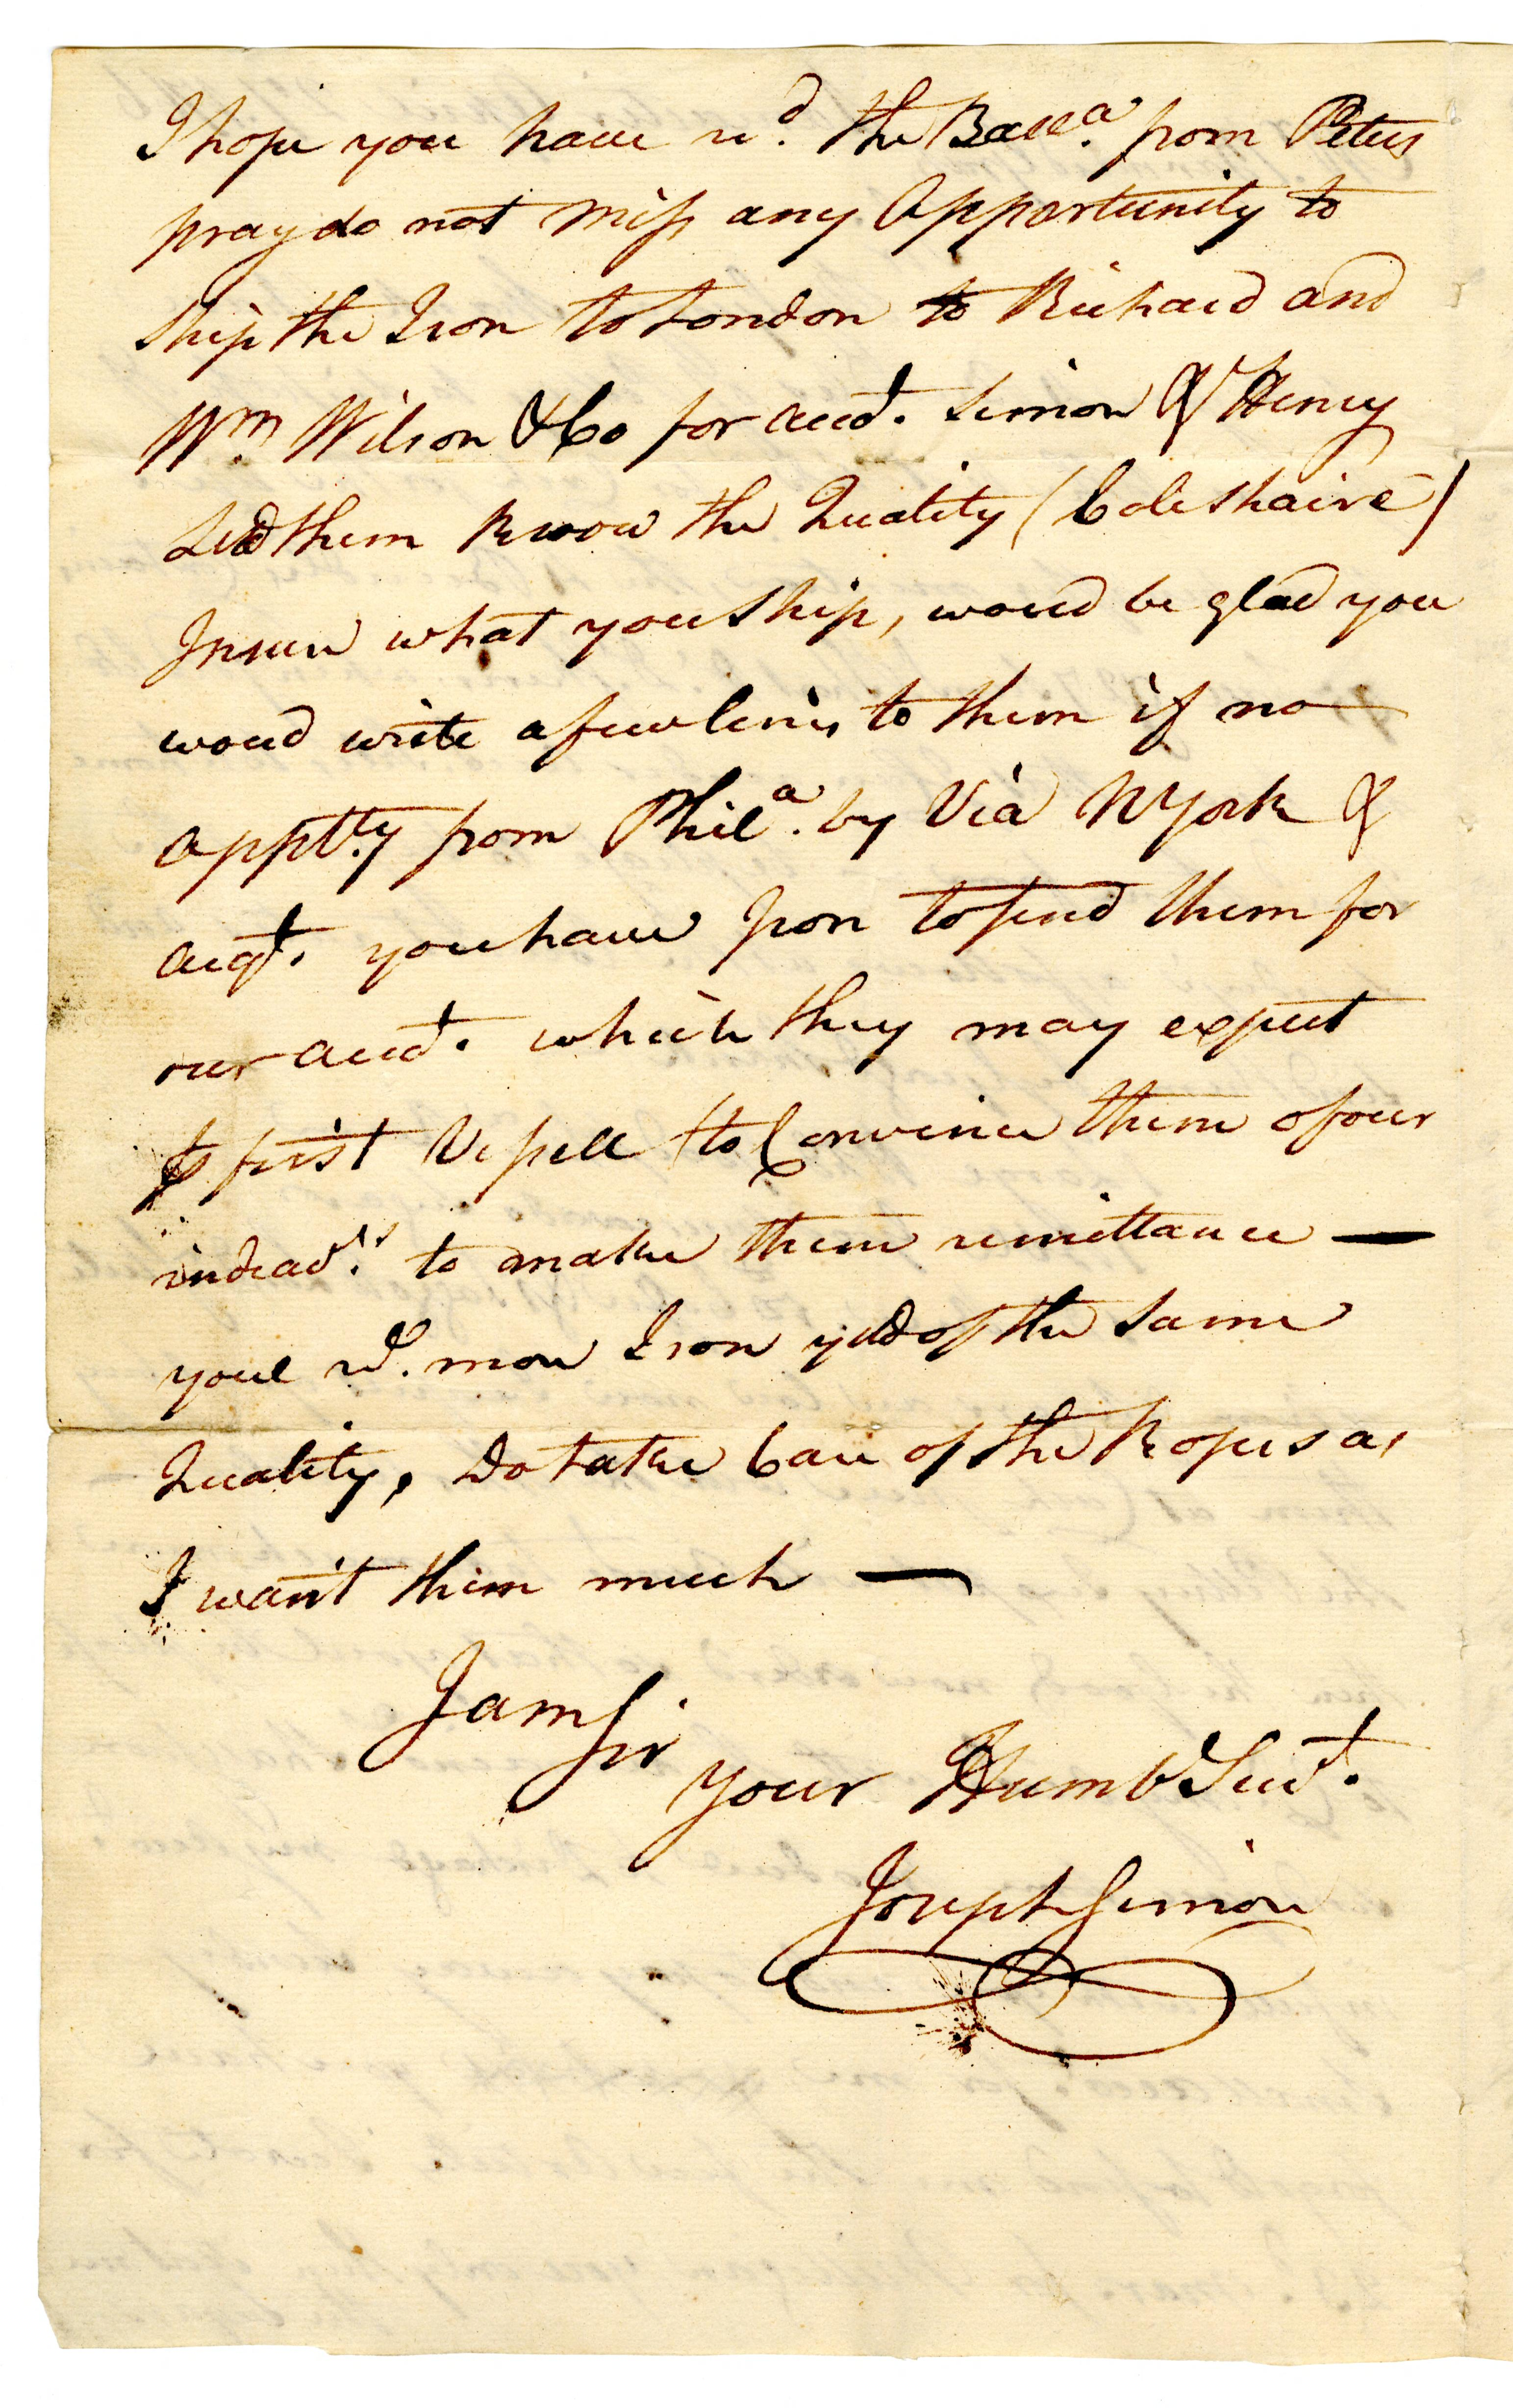I hope you have re^d. the Ball^ce. from Peters
pray do not miss any opportunity to
ship the Iron to London to Richard and
W^m Wilson &Co for acco^t. Simon & Henry
Letd them know the Quality (Cale shaire)
Insure what you ship, would be glad you
woud write a few lines to them if no
opp^tty from Phil^a. by Via NYork &
acq^t. you have Iron to send them for
our acco^t. which they may expect
& first we have (to Convince them of our
indeav^r. to make them remittance-
youl re^e. more Iron yield of the Same
Quality, so take Care of the Ropes as
I want them much
I am
Sir
Your Humb Serv^t.
Joseph Simon